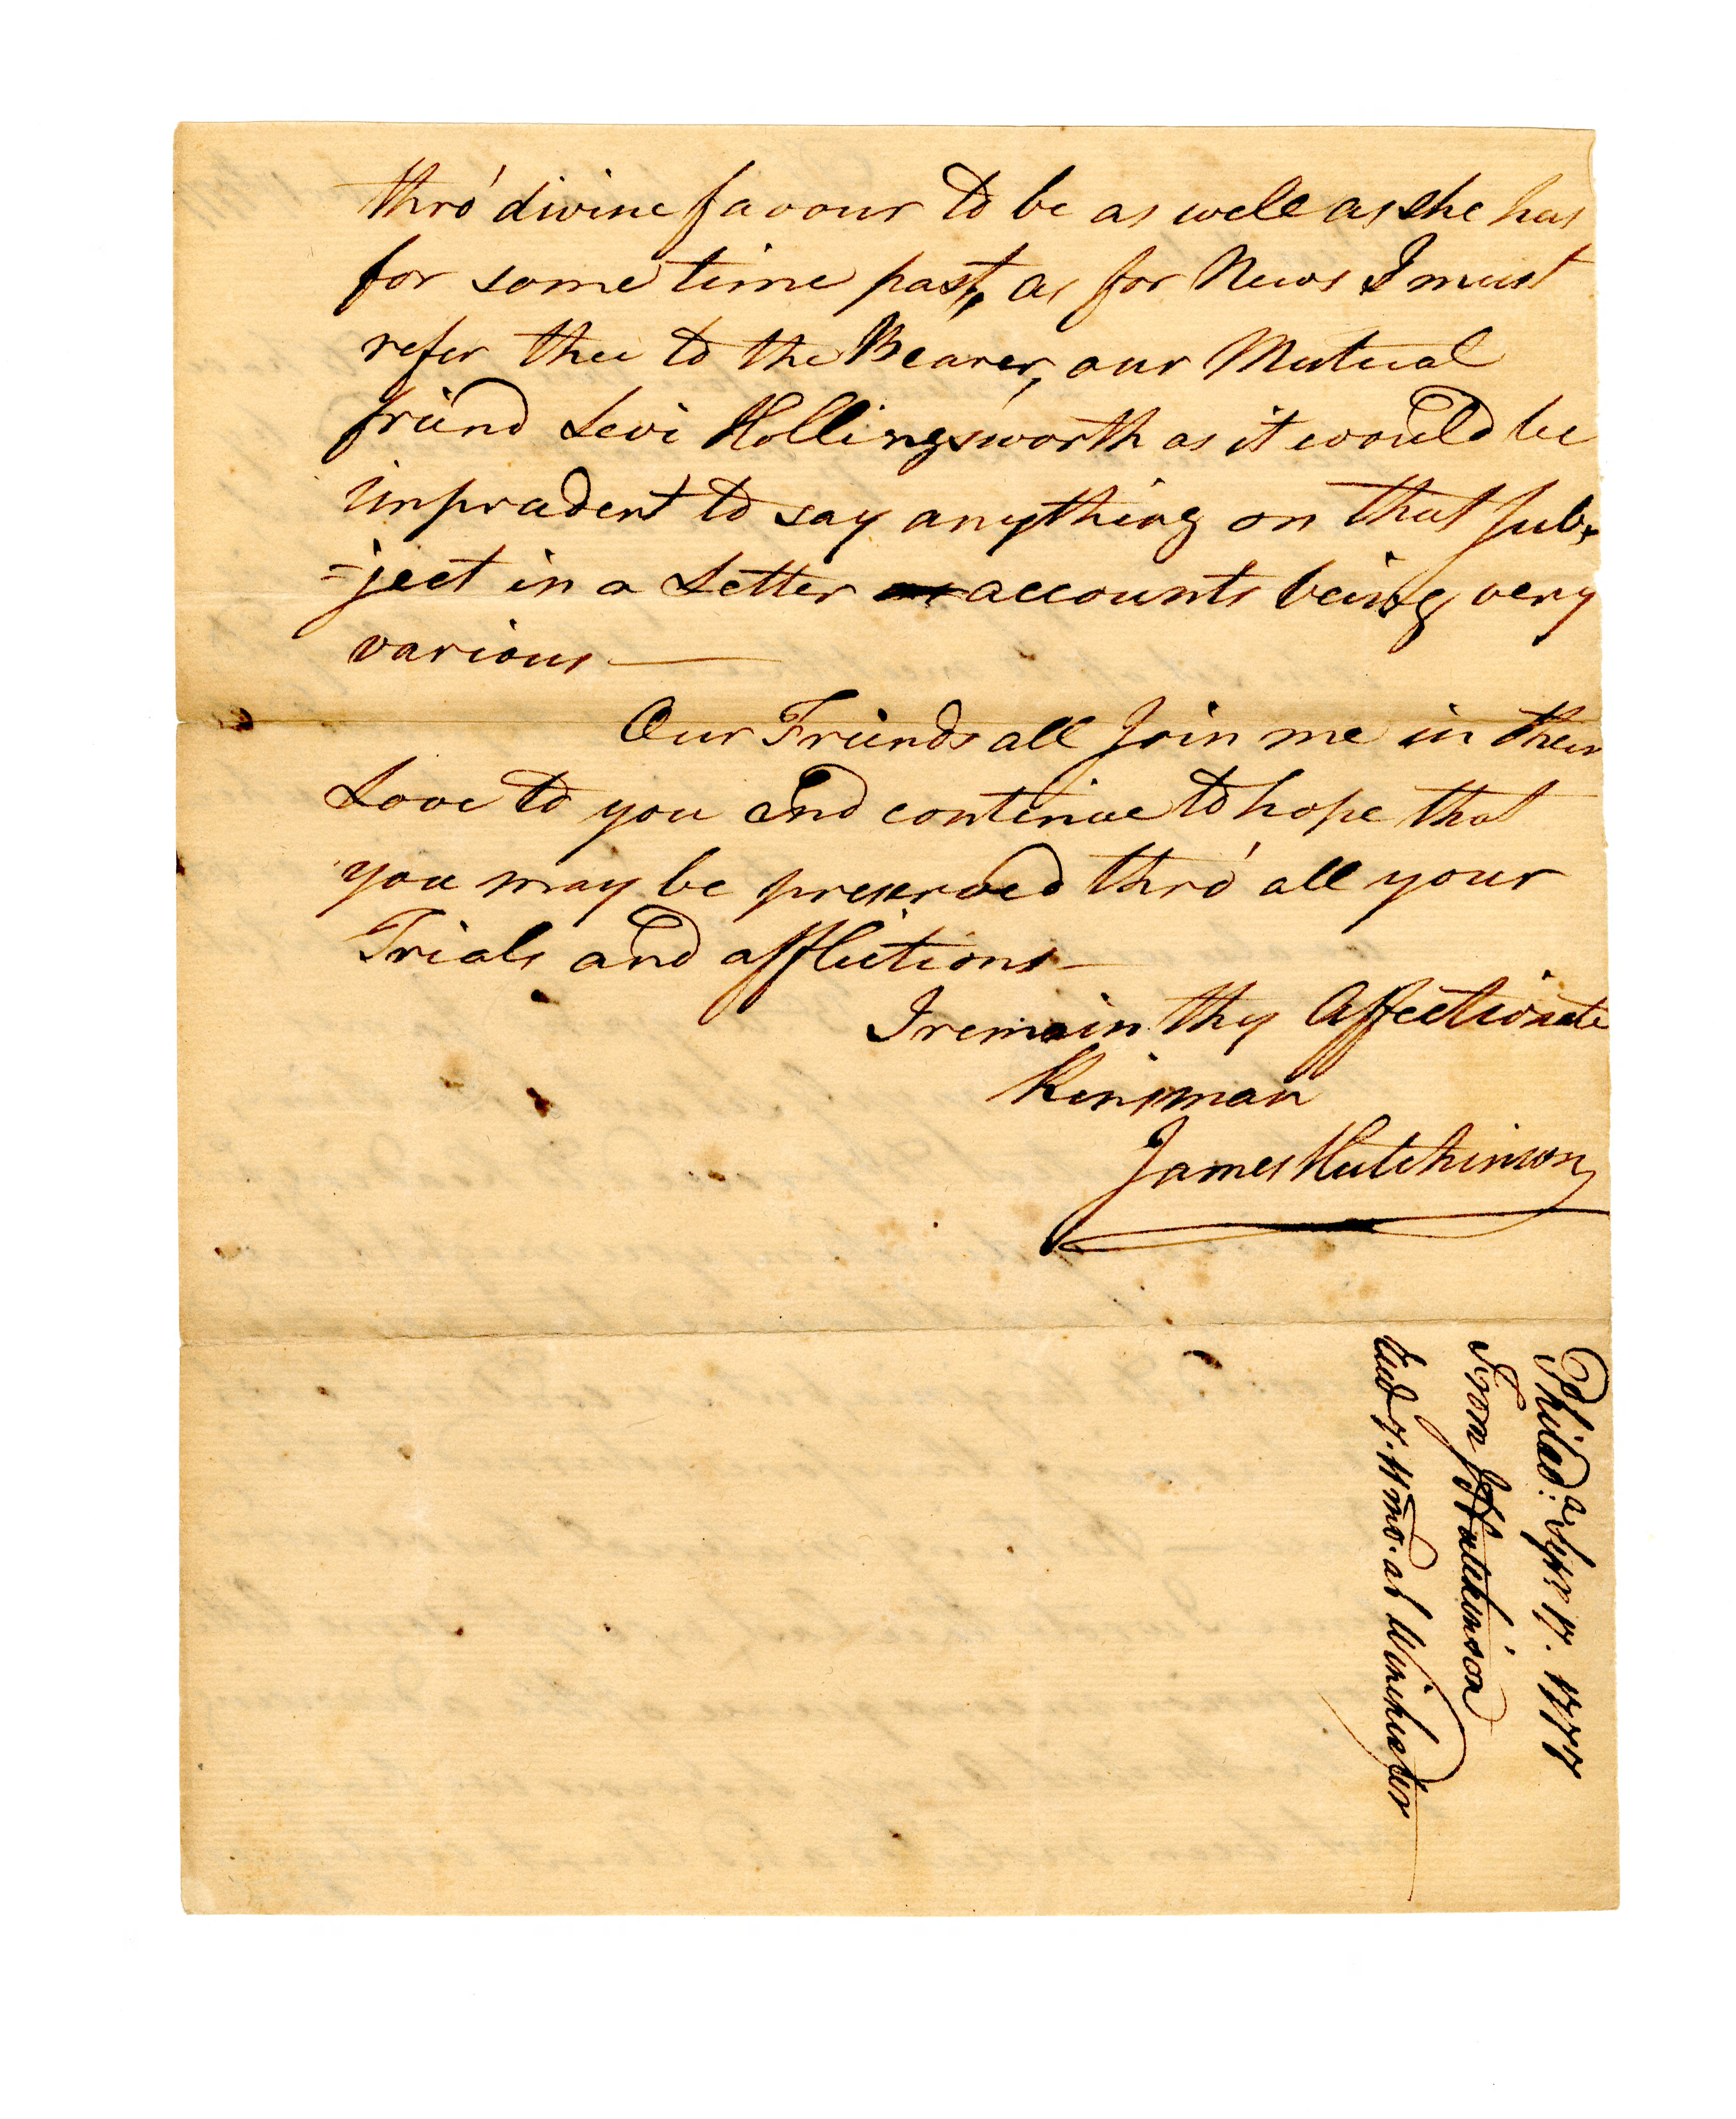thro' divine favour to be as well as she has
for some time past, as for News I must
refer thee to the Bearer, our Mutual
friend Levi Hollingsworth as it would be
imprudent to say anything on that sub-
-ject in a Letter accounts being very
various-
Our Friends all Join me in their
Love to you and continue to hope that
you may be preserved thro' all your
Trials and afflictions-
I remain thy Affectionate
Kinsman
James Hutchinson
Philad^a: Sep^r 17. 1777
From J. Hutchinson
recd 7. 11mo. at Winchester